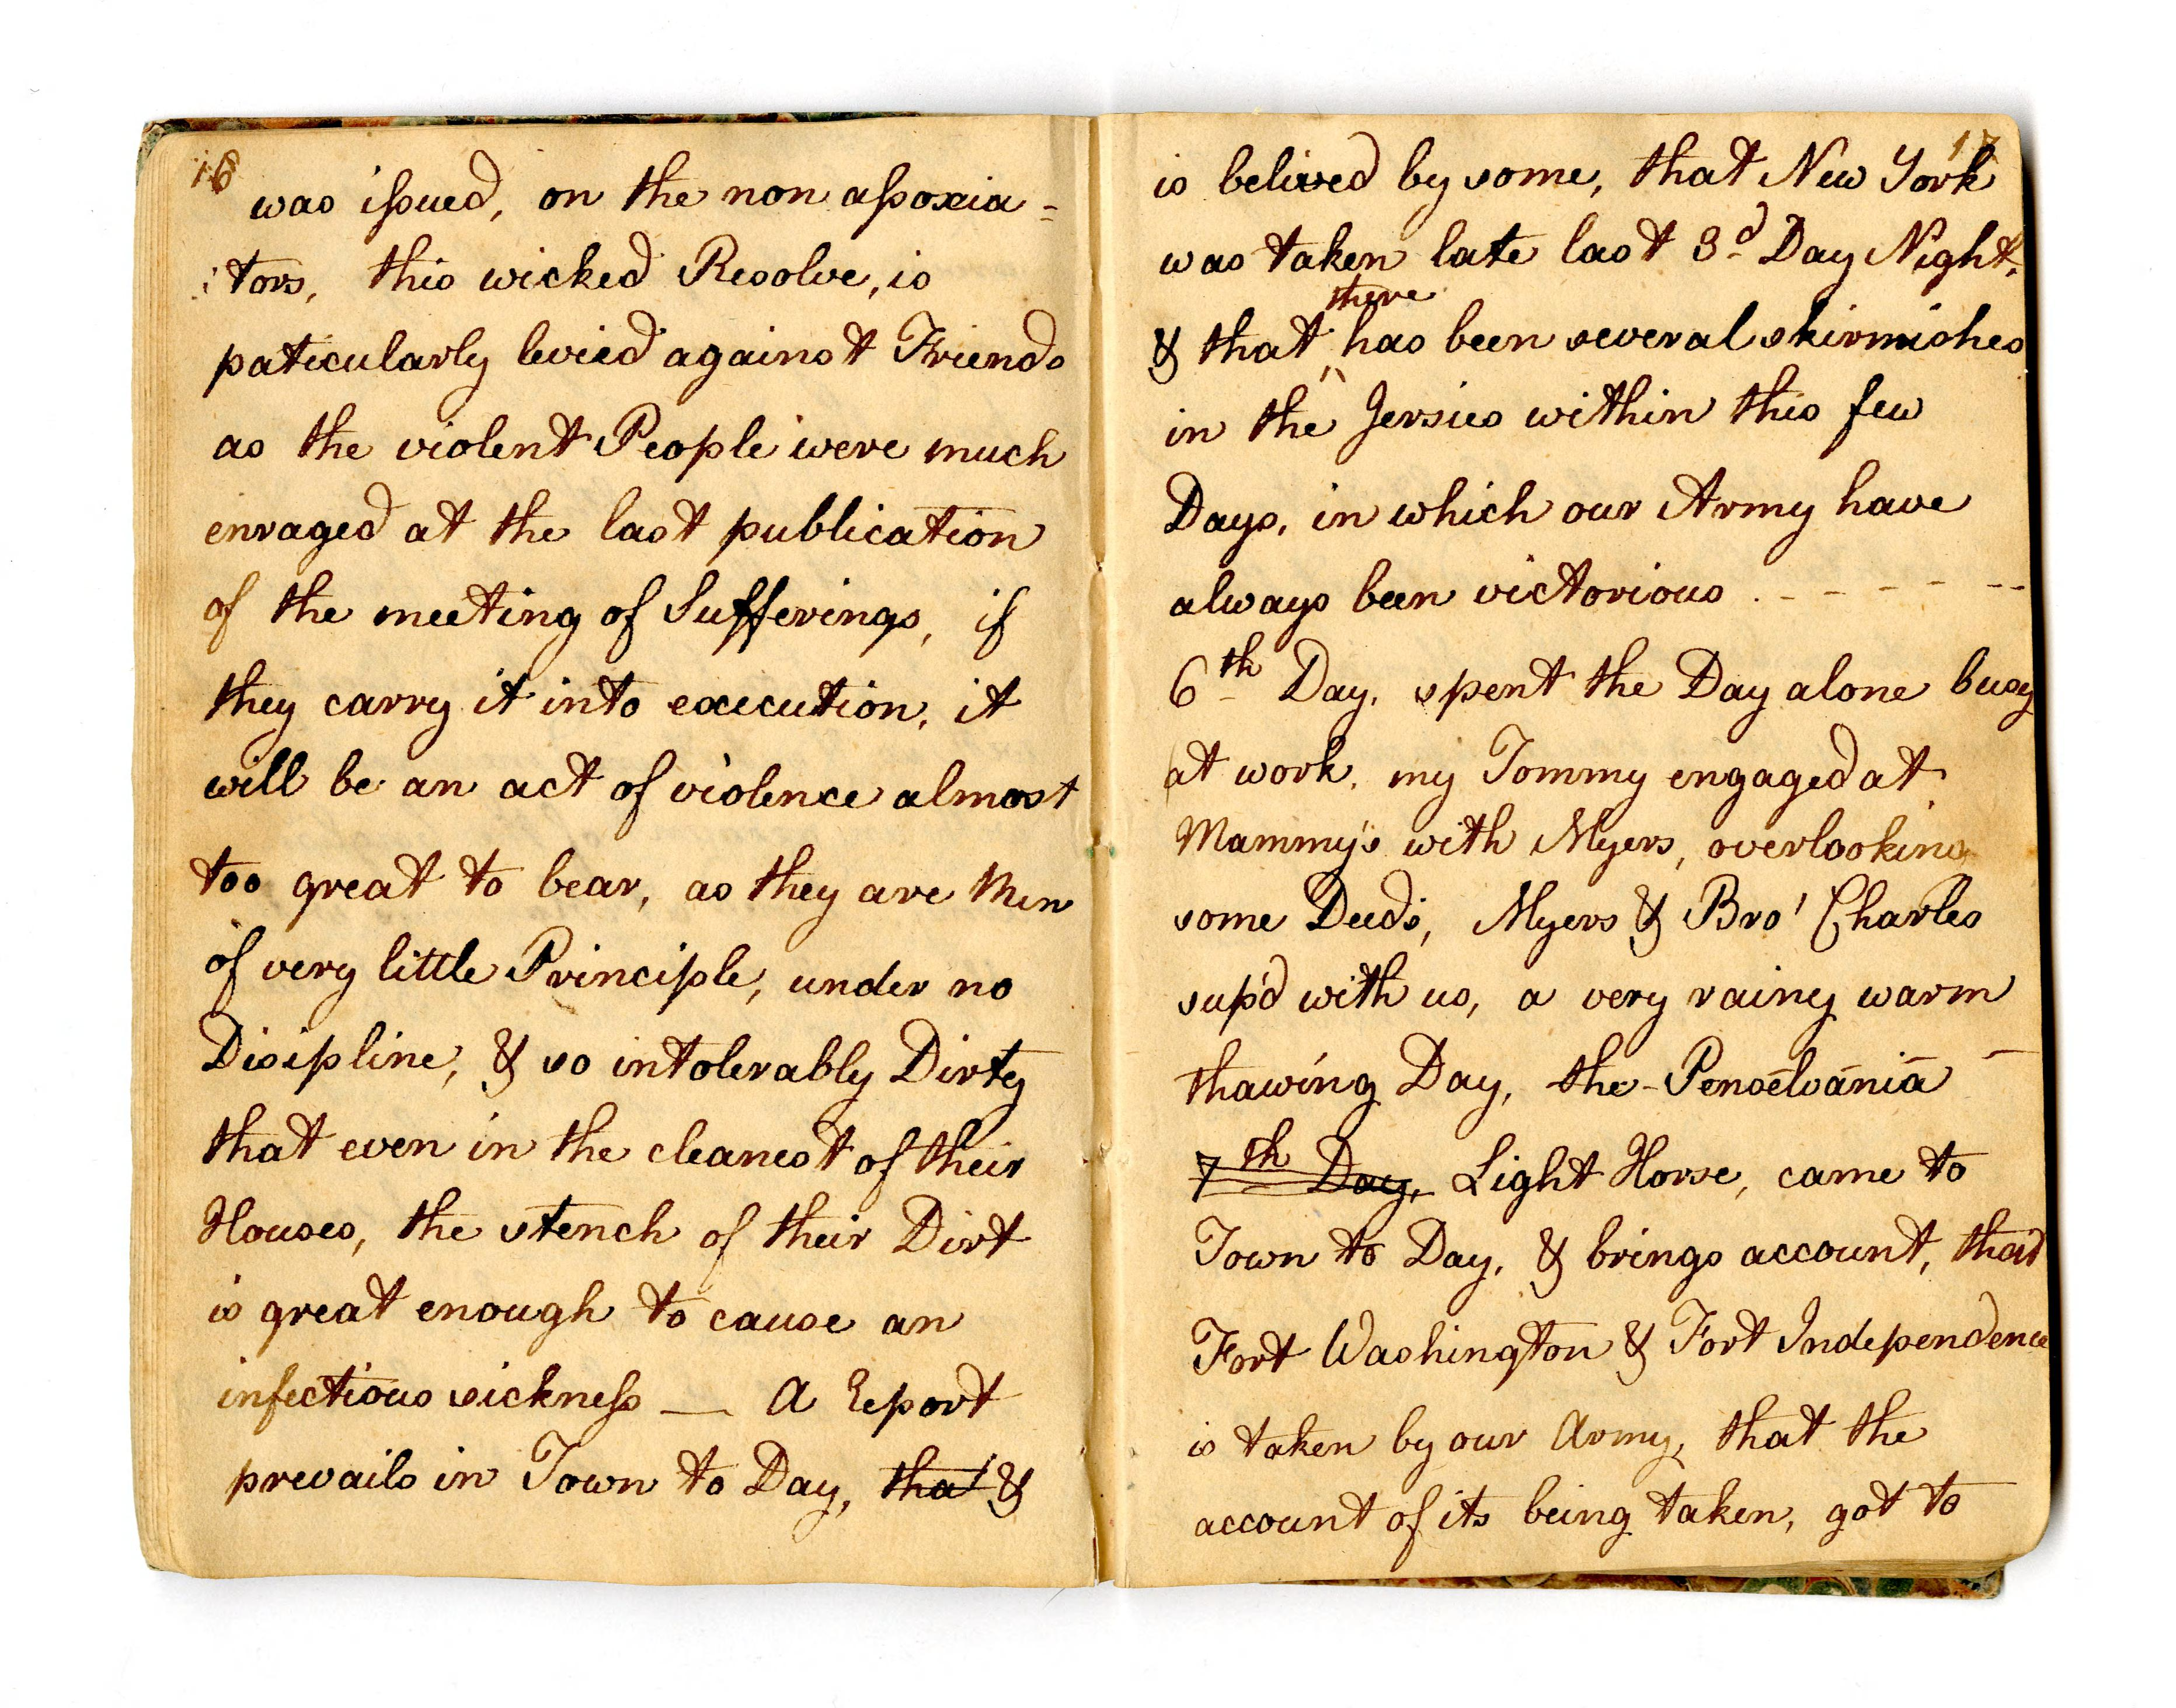was issued, on the non associa-
-tors, this wicked Resolve, is
paticularly levied against Friends
as the violent People were much
enraged at the last publication
of the meeting of Sufferings, if
they carry it into execution, it
will be an act of violence almost
too great to bear, as they are Men
of very little Principle, under no
Disipline, & so intolerably Dirty
that even in the cleanest of their
Houses, the stench of their Dirt
is great enough to cause an
infectious sickness- A report
prevails in Town to Day, [that] &
is believed by some, that New York
was taken late last 3^d. Day Night.
there
& that ^ has been several skirmishes
in the Jersies within this few
Days, in which our Army have
always been victorious.-
6^th Day, spent the Day alone busy
at work, my Tommy engaged at
Mammy's with Myers, overlooking
some Deeds, Myers & Bro' Charles
sup'd with us, a very rainy warm
thawing Day. the Penselvania
[7^th Day] Light House, came to
Town to Day, & brings account, that
Fort Washington & Fort Independence
is taken by our Army, that the
account of its being taken, got to